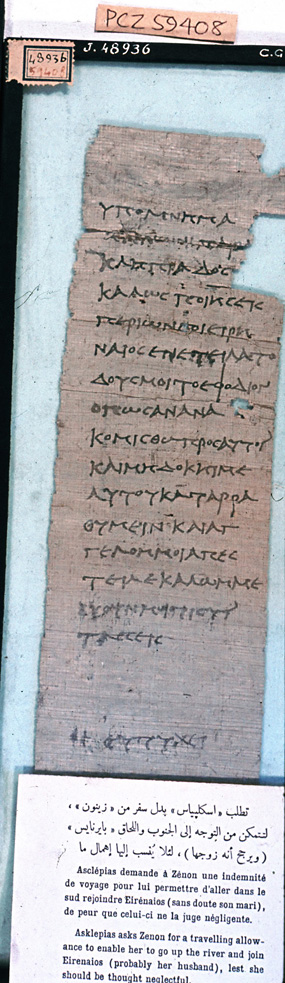υπομνημα
ζηνωνιπαρααϲ
κληπιαδοϲ
καλωϲποιηϲειϲ
περιωνϲοιειρη
ναιοϲενετειλατο
δουϲμοιτοεφοδιον
οπωϲανανα
κομιϲθωπροϲαυτον
καιμηδοκηιμε
αυτουκαταρρα
θυμεινκαιαγ
γελομμοιαπεϲ
τειλεκαλωμμε
ϲυουνμοιτιϲυν
ταϲϲειϲ
ευτυχει